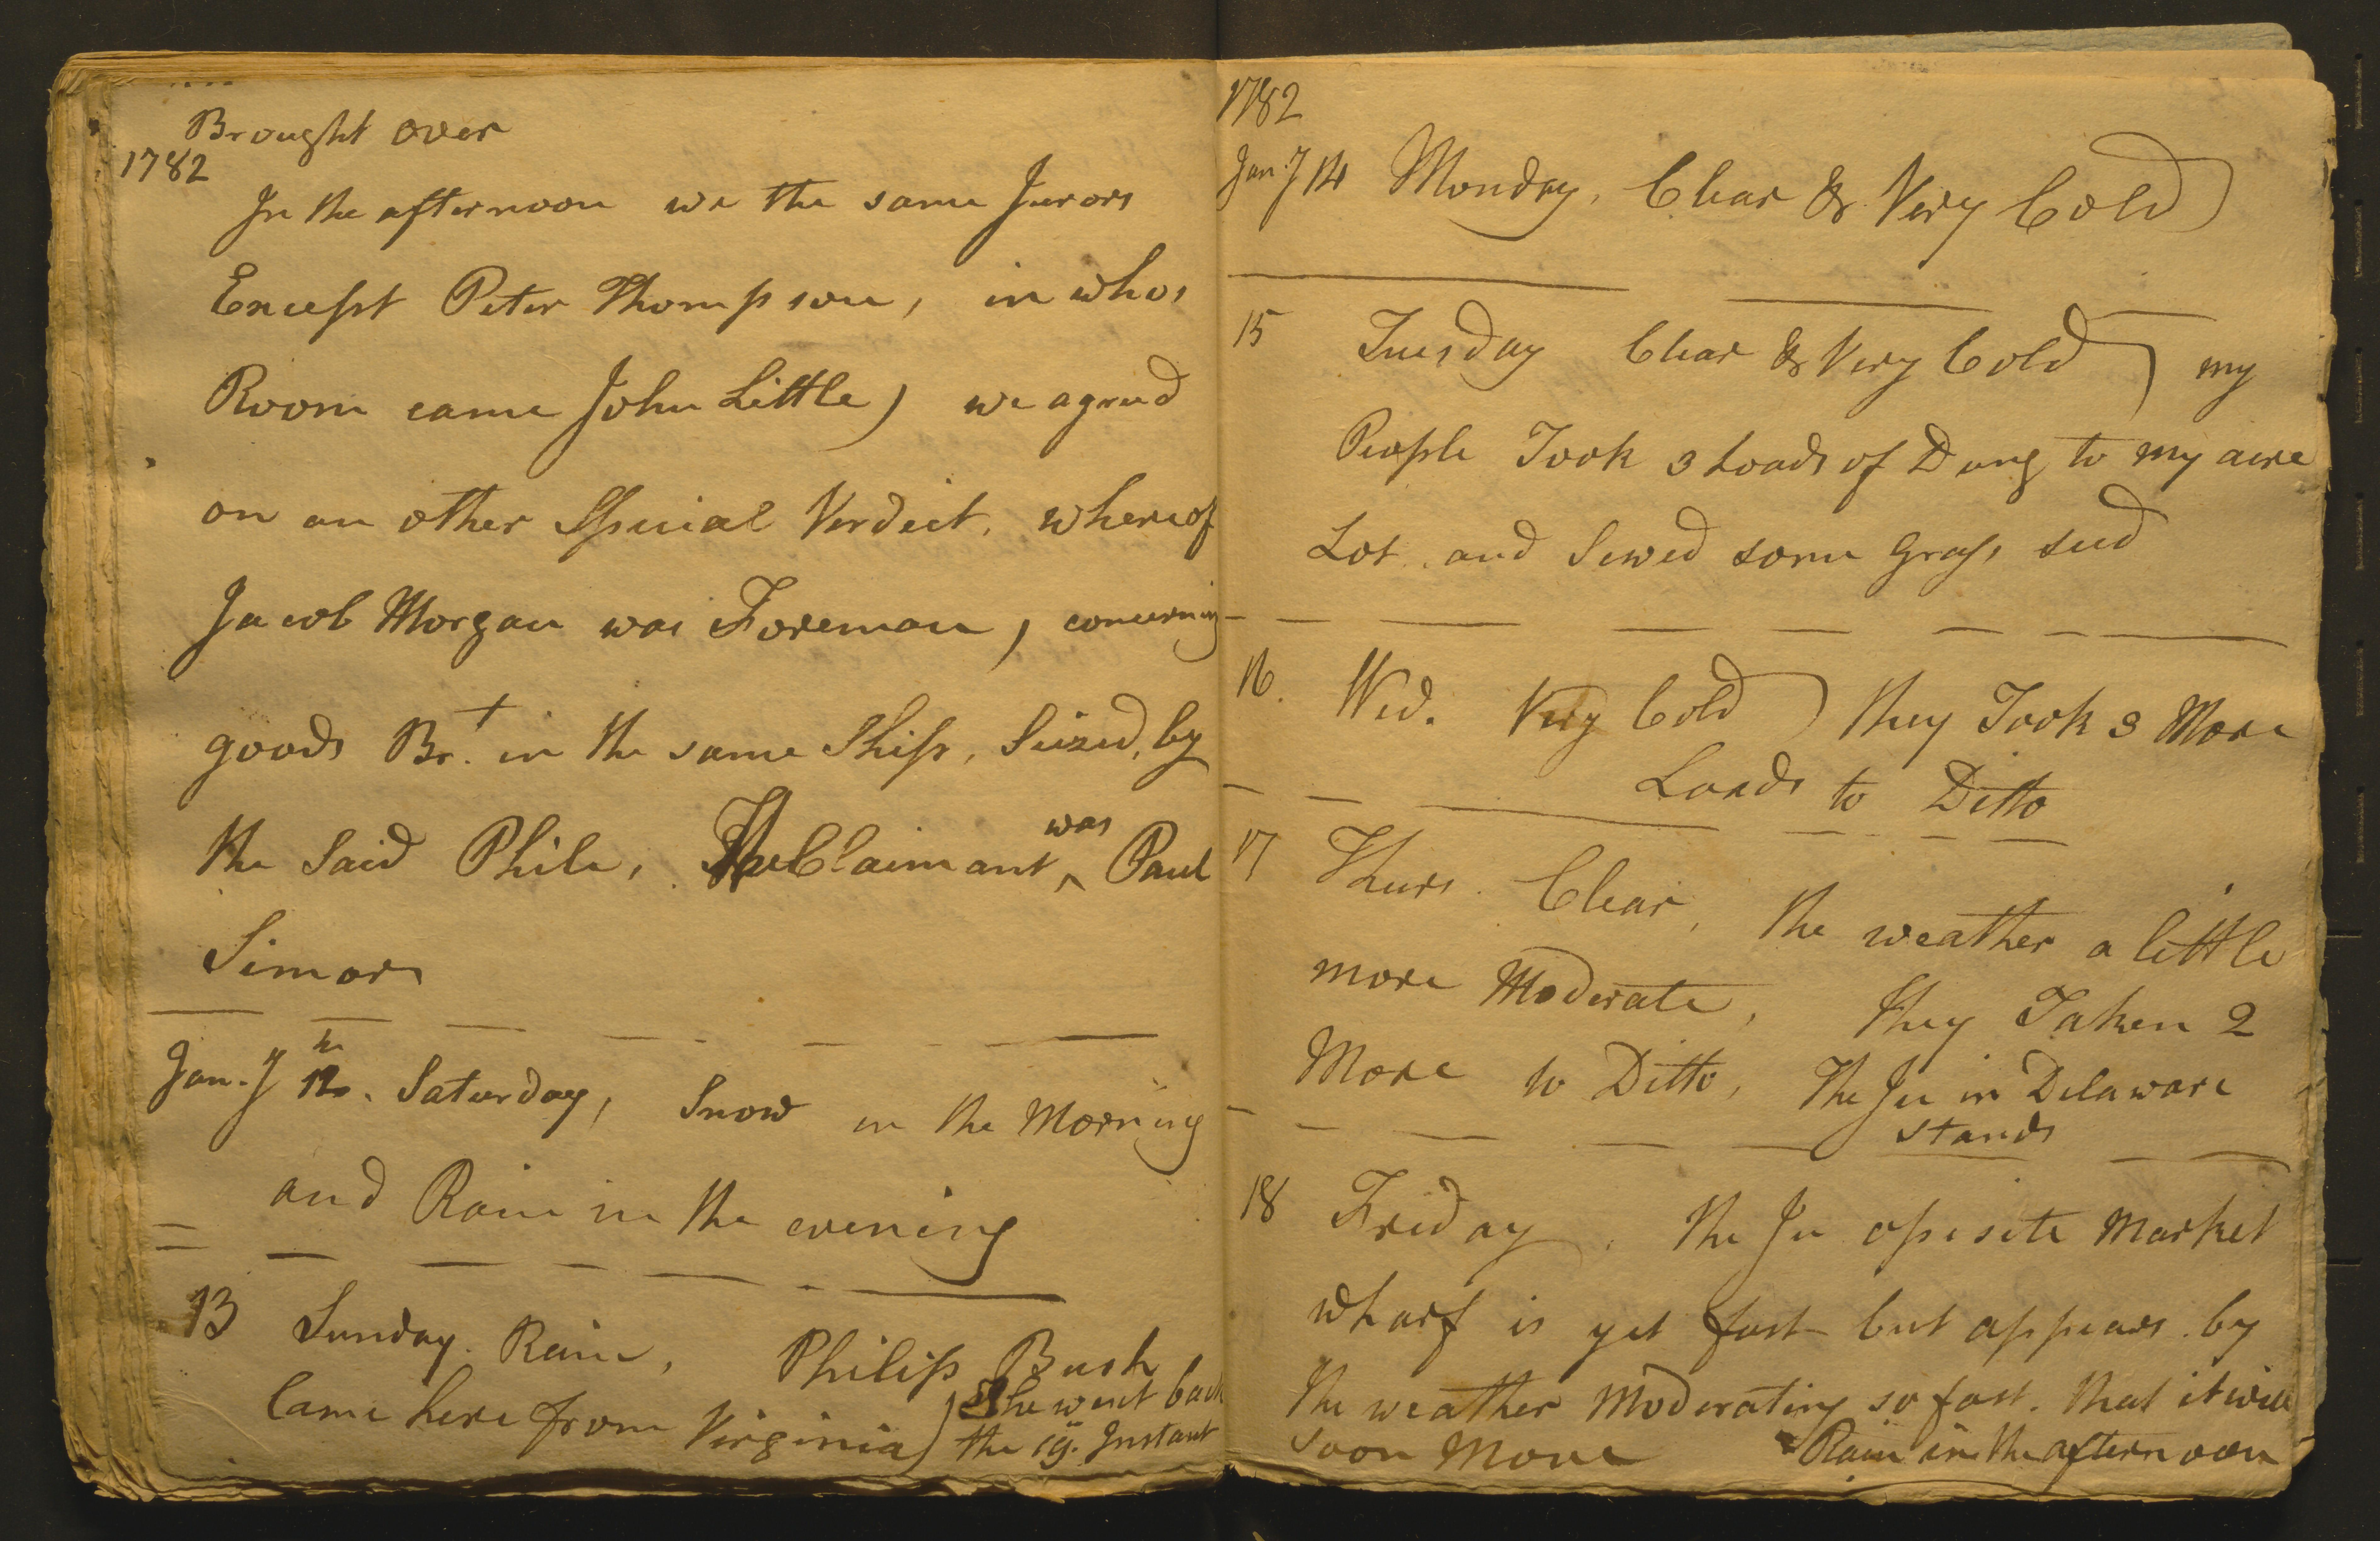Brought over
1782
In the afternoon we the same Jurors
Except Peter Thompson, in whos
Room came John Little, we agreed
on an other Special Verdict, whereof
Jacob Morgan was Foreman, concerning
goods Br^t. in the same Ships, seized by
was
the Said Phile, The Claimant ^ Paul
Simon
Jan^y. 12^th. Saturday, Snow in the Morning
and Rain in the evening
13 Sunday. Rain, Philip Bush
he went back
lame here from Virginia) the 19^th. Instant
1782
Jan^y. 14 Monday. Clear & Very Cold
15 Tuesday Clear & Very Cold my
People Took 3 Loads of Dung to my acre
Lot and sewed some Grass seed
16. Wed. Very Cold they Took 3 More
Loads to Ditto
17 Thurs. Clear the weather a little
more Moderate, They Taken 2
More to Ditto, The Ice in Delaware
stands
18 Friday the Ice opesite Market
wharf is yet fast but appears by
the weather Moderating so fast. that it will
soon Move Rain in the afternoon